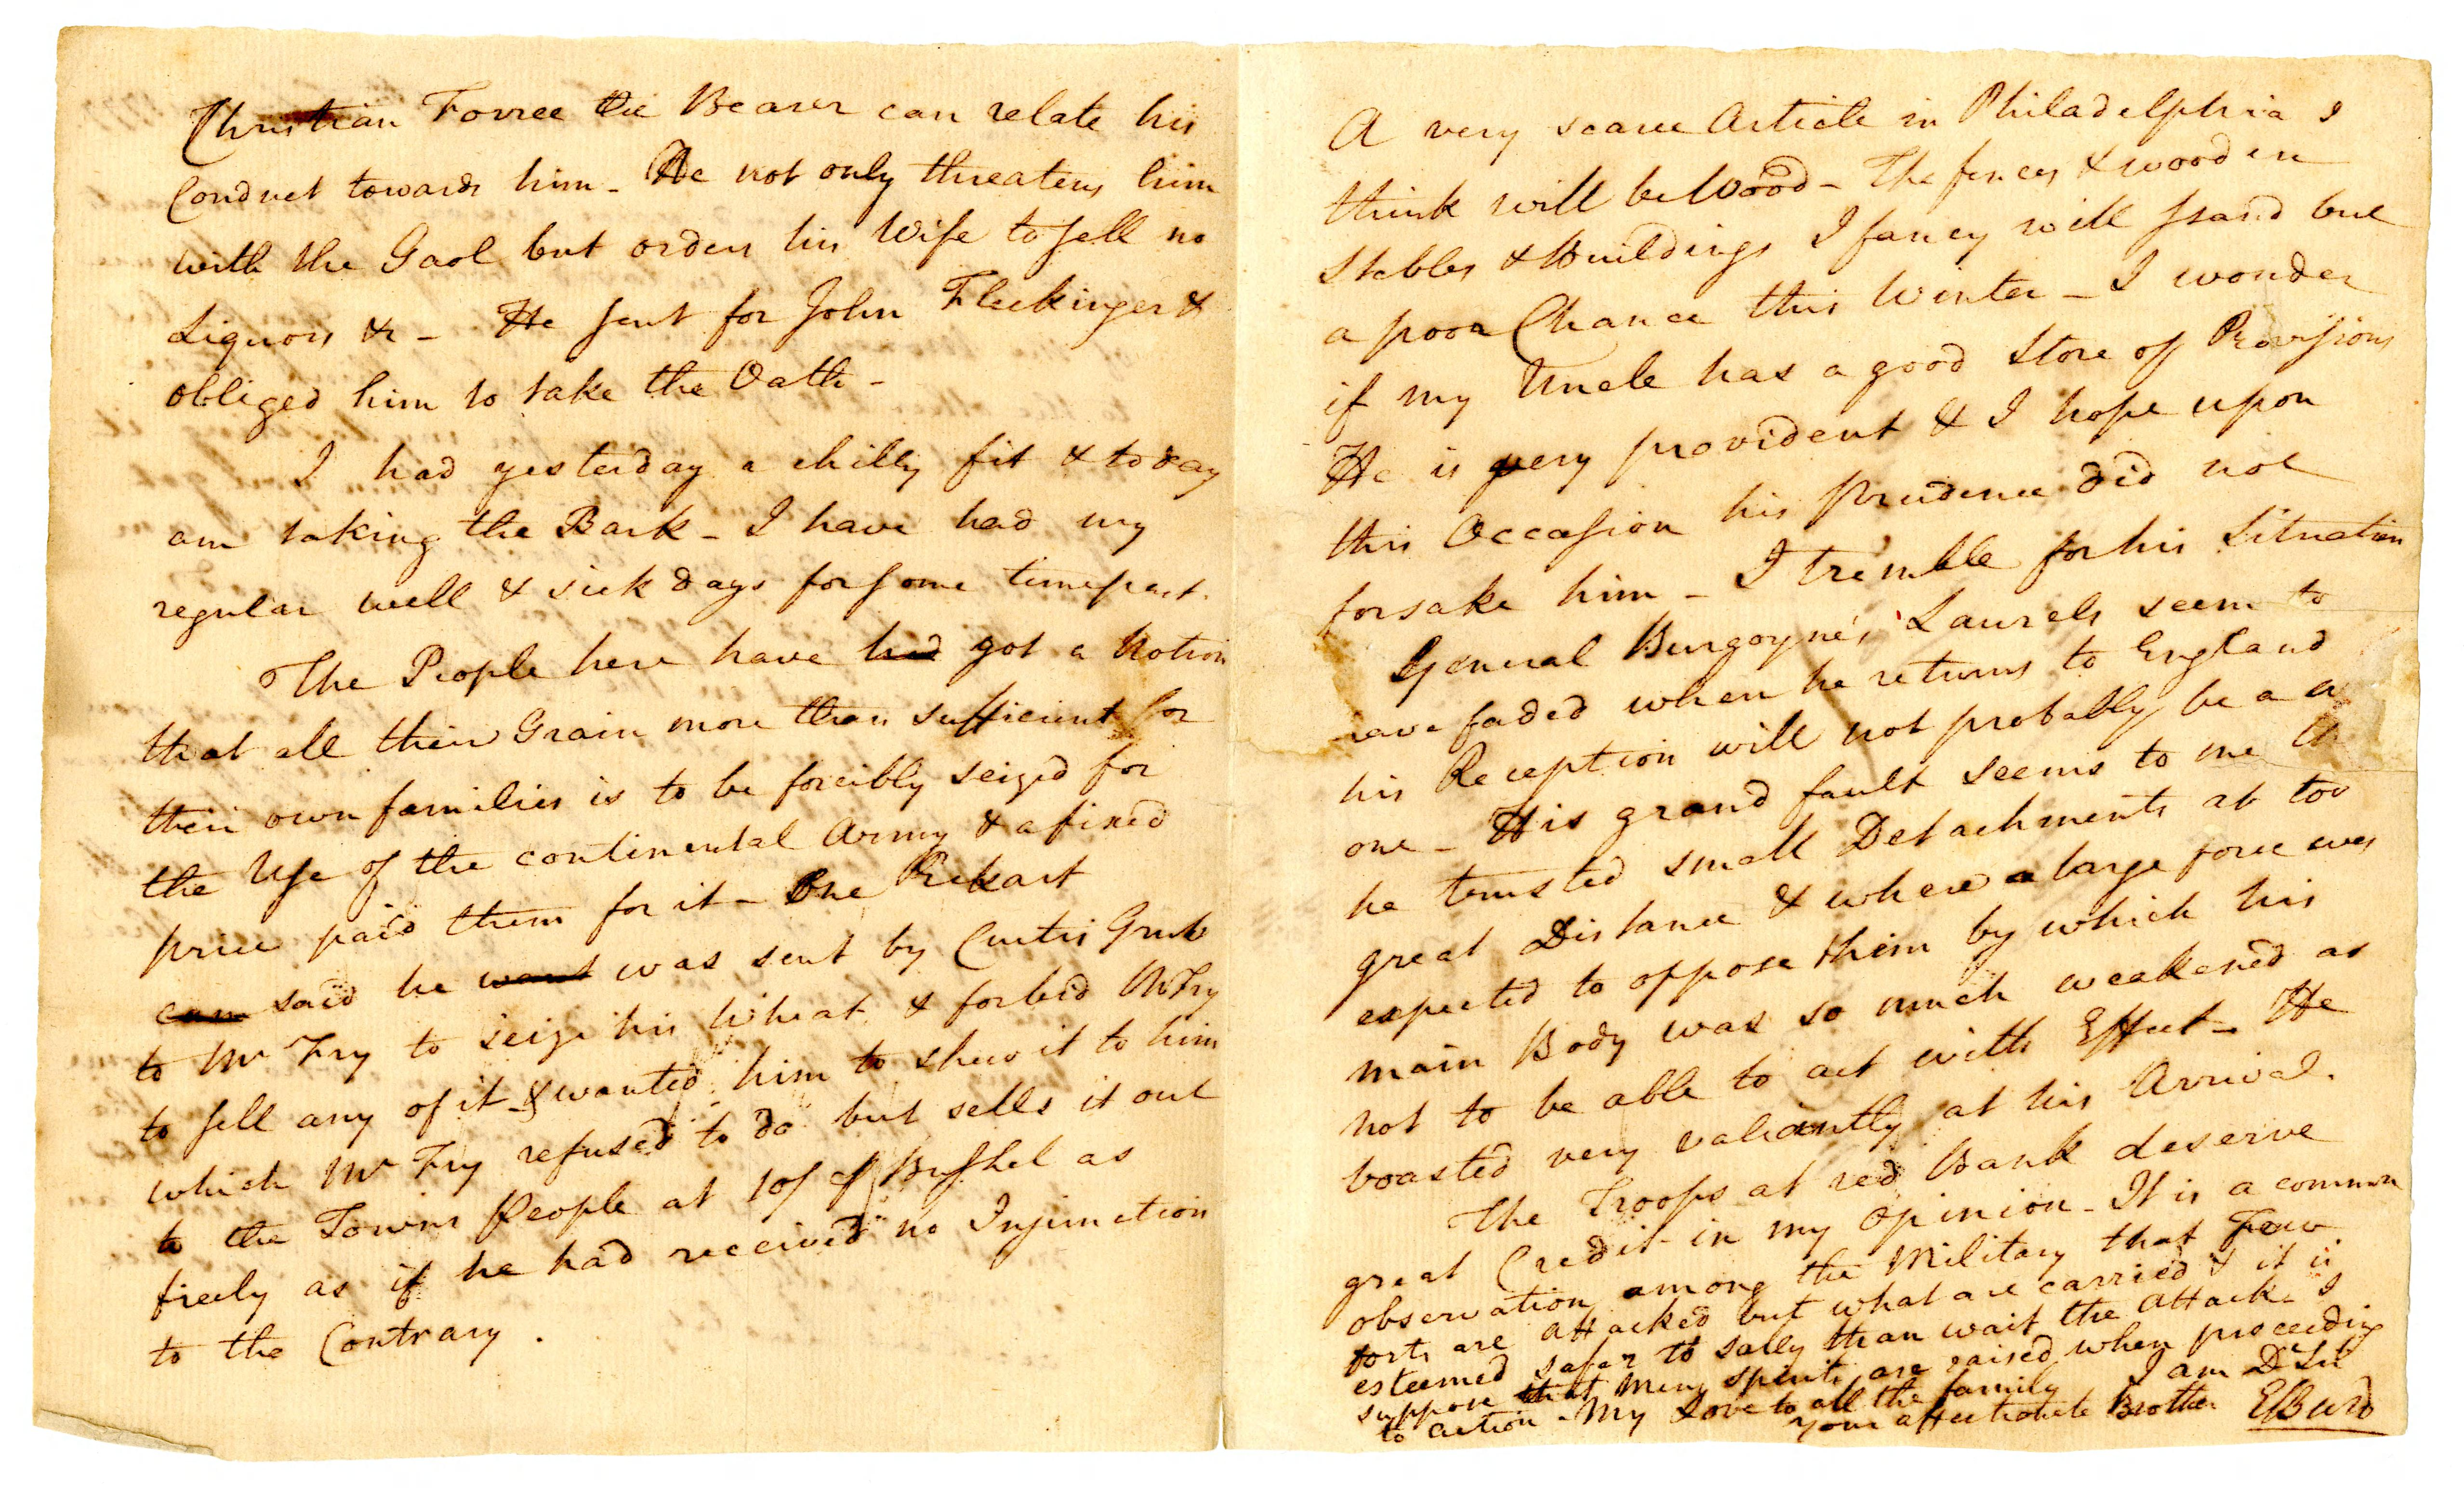Christian Foree the Bearer relate his
Conduct towards him. He not only threatens him
with the Gaol but orders his Wife to sell no
Liquors &c- He sent for John Fleckinger &
obliged him to take the Oath-
I had yesterday a chilly fit & to day
am taking the Bark- I have had my
regular well & sick days for some time past.
The People here have had got a Notion
that all their Grain more than sufficient for
their own families is to be forcibly seized for
the rise of the continental Army & a fixed
price paid them for it- The Rebart
can said he [____]was sent by Curtis Grant
to M^r Fry to seize his Wheat & forbid M^r Fry
to sell any of it & wanted him to shew it to him
which M^r Fry refused to do but sells it out
to the Town's People at 10/ per Bushel as
freely as if he had received no Injunction
to the Contrary.
A very scarce Article in & Philadelphia I
think will be Wood- The fences & wooden
Stables & Buildings I fancy will stand but
a poor Chance this winter- I wonder
if my Uncle has a good Store of Provisions
He is very provident & I hope upon
this Occasion his prudence did not
forsake him- I tremble for his Situation
General Burgoyne's Laurels seem to
have faded when he returns to England
his Reception will not probably be a a
one- His grand fault seems to me a
he trusted small Detachments at too
great Distance & where a large force was
expected to oppose them by which his
main Body was so much weakened as
not to be able to act with Effect- He
boasted very valiantly at his Arrival.
The Troops at red Bank deserve
great Credit in my opinion. It is a common
observation, among the Military that few
forts are attacked but what are carried & it is
esteemed safer to sally than wait the Attack. I
suppose that Mens Spirits are raised when proceeding
to action. My Love to all the family
I am D^r Sir
your affectionate Brother
E. Burd